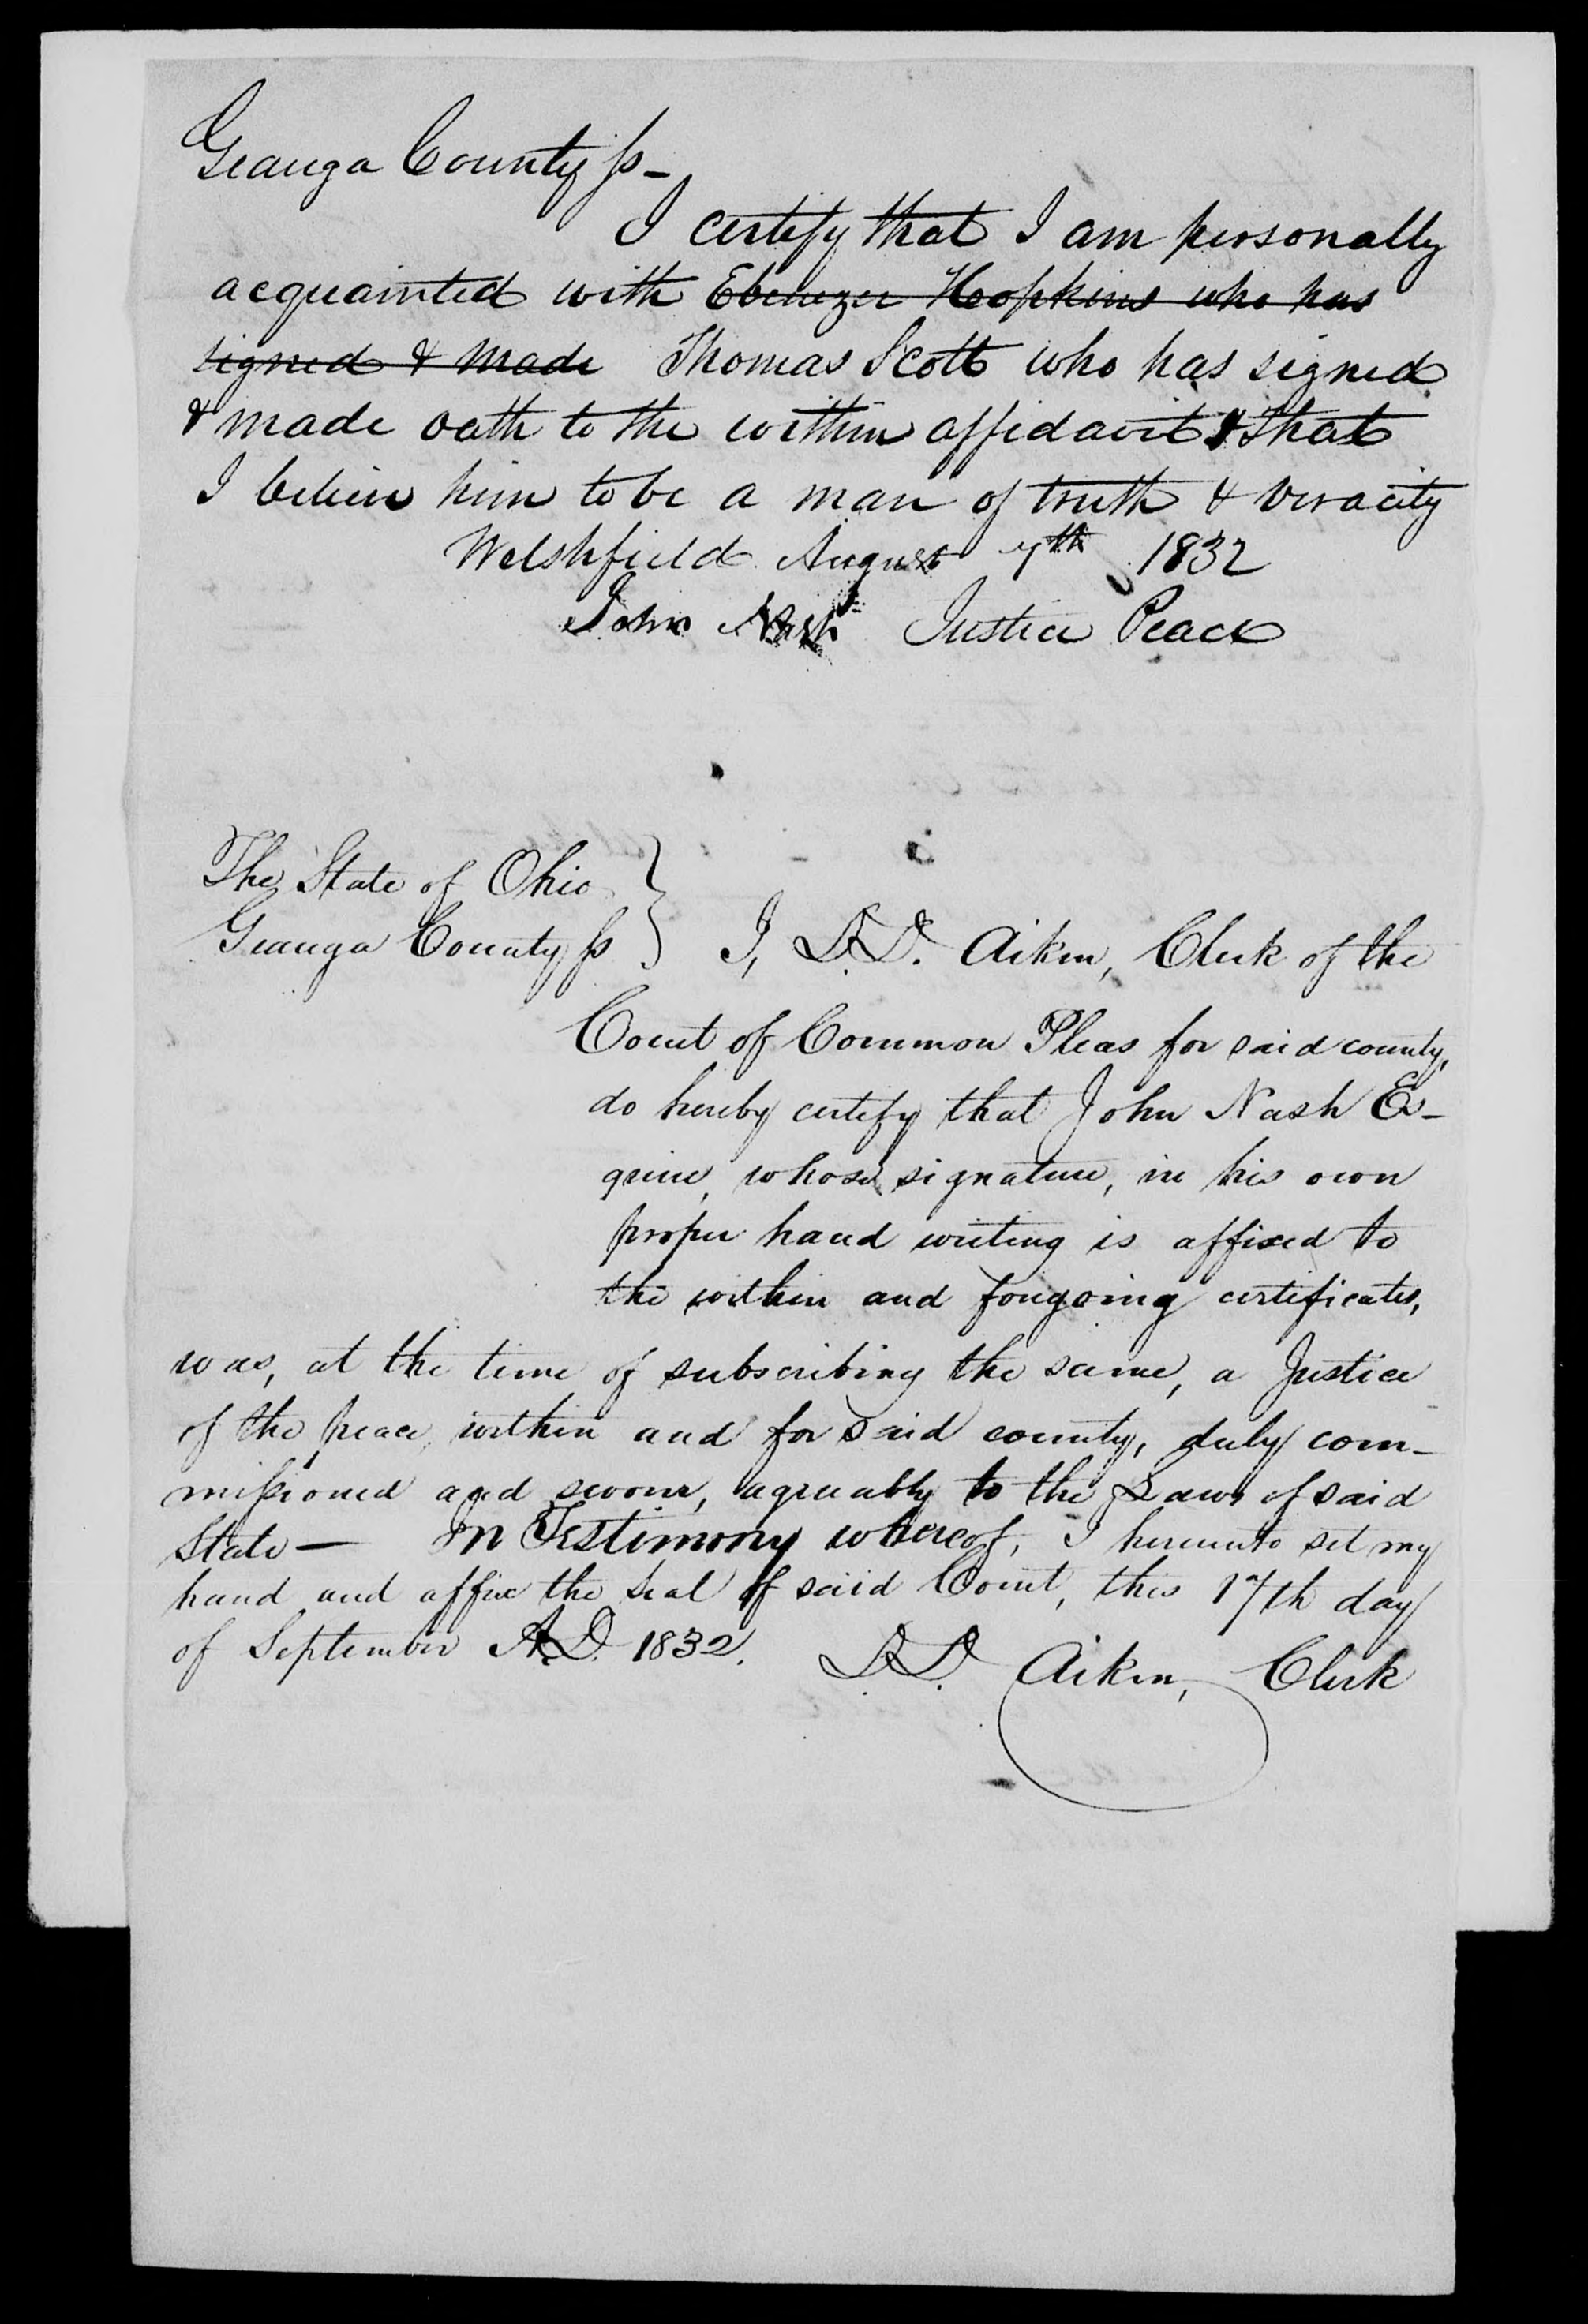Geauga County ss
I certify that I am personally acquainted with [struck through]Ebenezer Hopkins who has signed & made[end strike through] Thomas Scott who has signed
made oath to the within affidavit that I believe him to be a man of truth & veracity
Welshfield August 7th 1832
John Nash Justice Peace


The State of Ohio}
Geauga County} ss  I, D. D. Aiken Clerk of the Court of Common Pleas for said County do hereby certify that John Nash Esquire whose signature, in his own
proper hand writing is affixed to the within and foregoing certificates, was, at the time of subscribing the same, a Justice of the peace within and for said county, duly commissioned and sworn, agreeably to the Laws of said State_ In Testimony whereof, I hereunto set my hand and affix the seal of said Court this 17th day
of September A.D. 1832.
D.D. Aiken, Clerk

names: Thomas Scott, D D Aiken, Ebenezer Hopkins, John Nash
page: 105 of 144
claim: rejected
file: R. 5208, Dennis Hopkins, N.C.